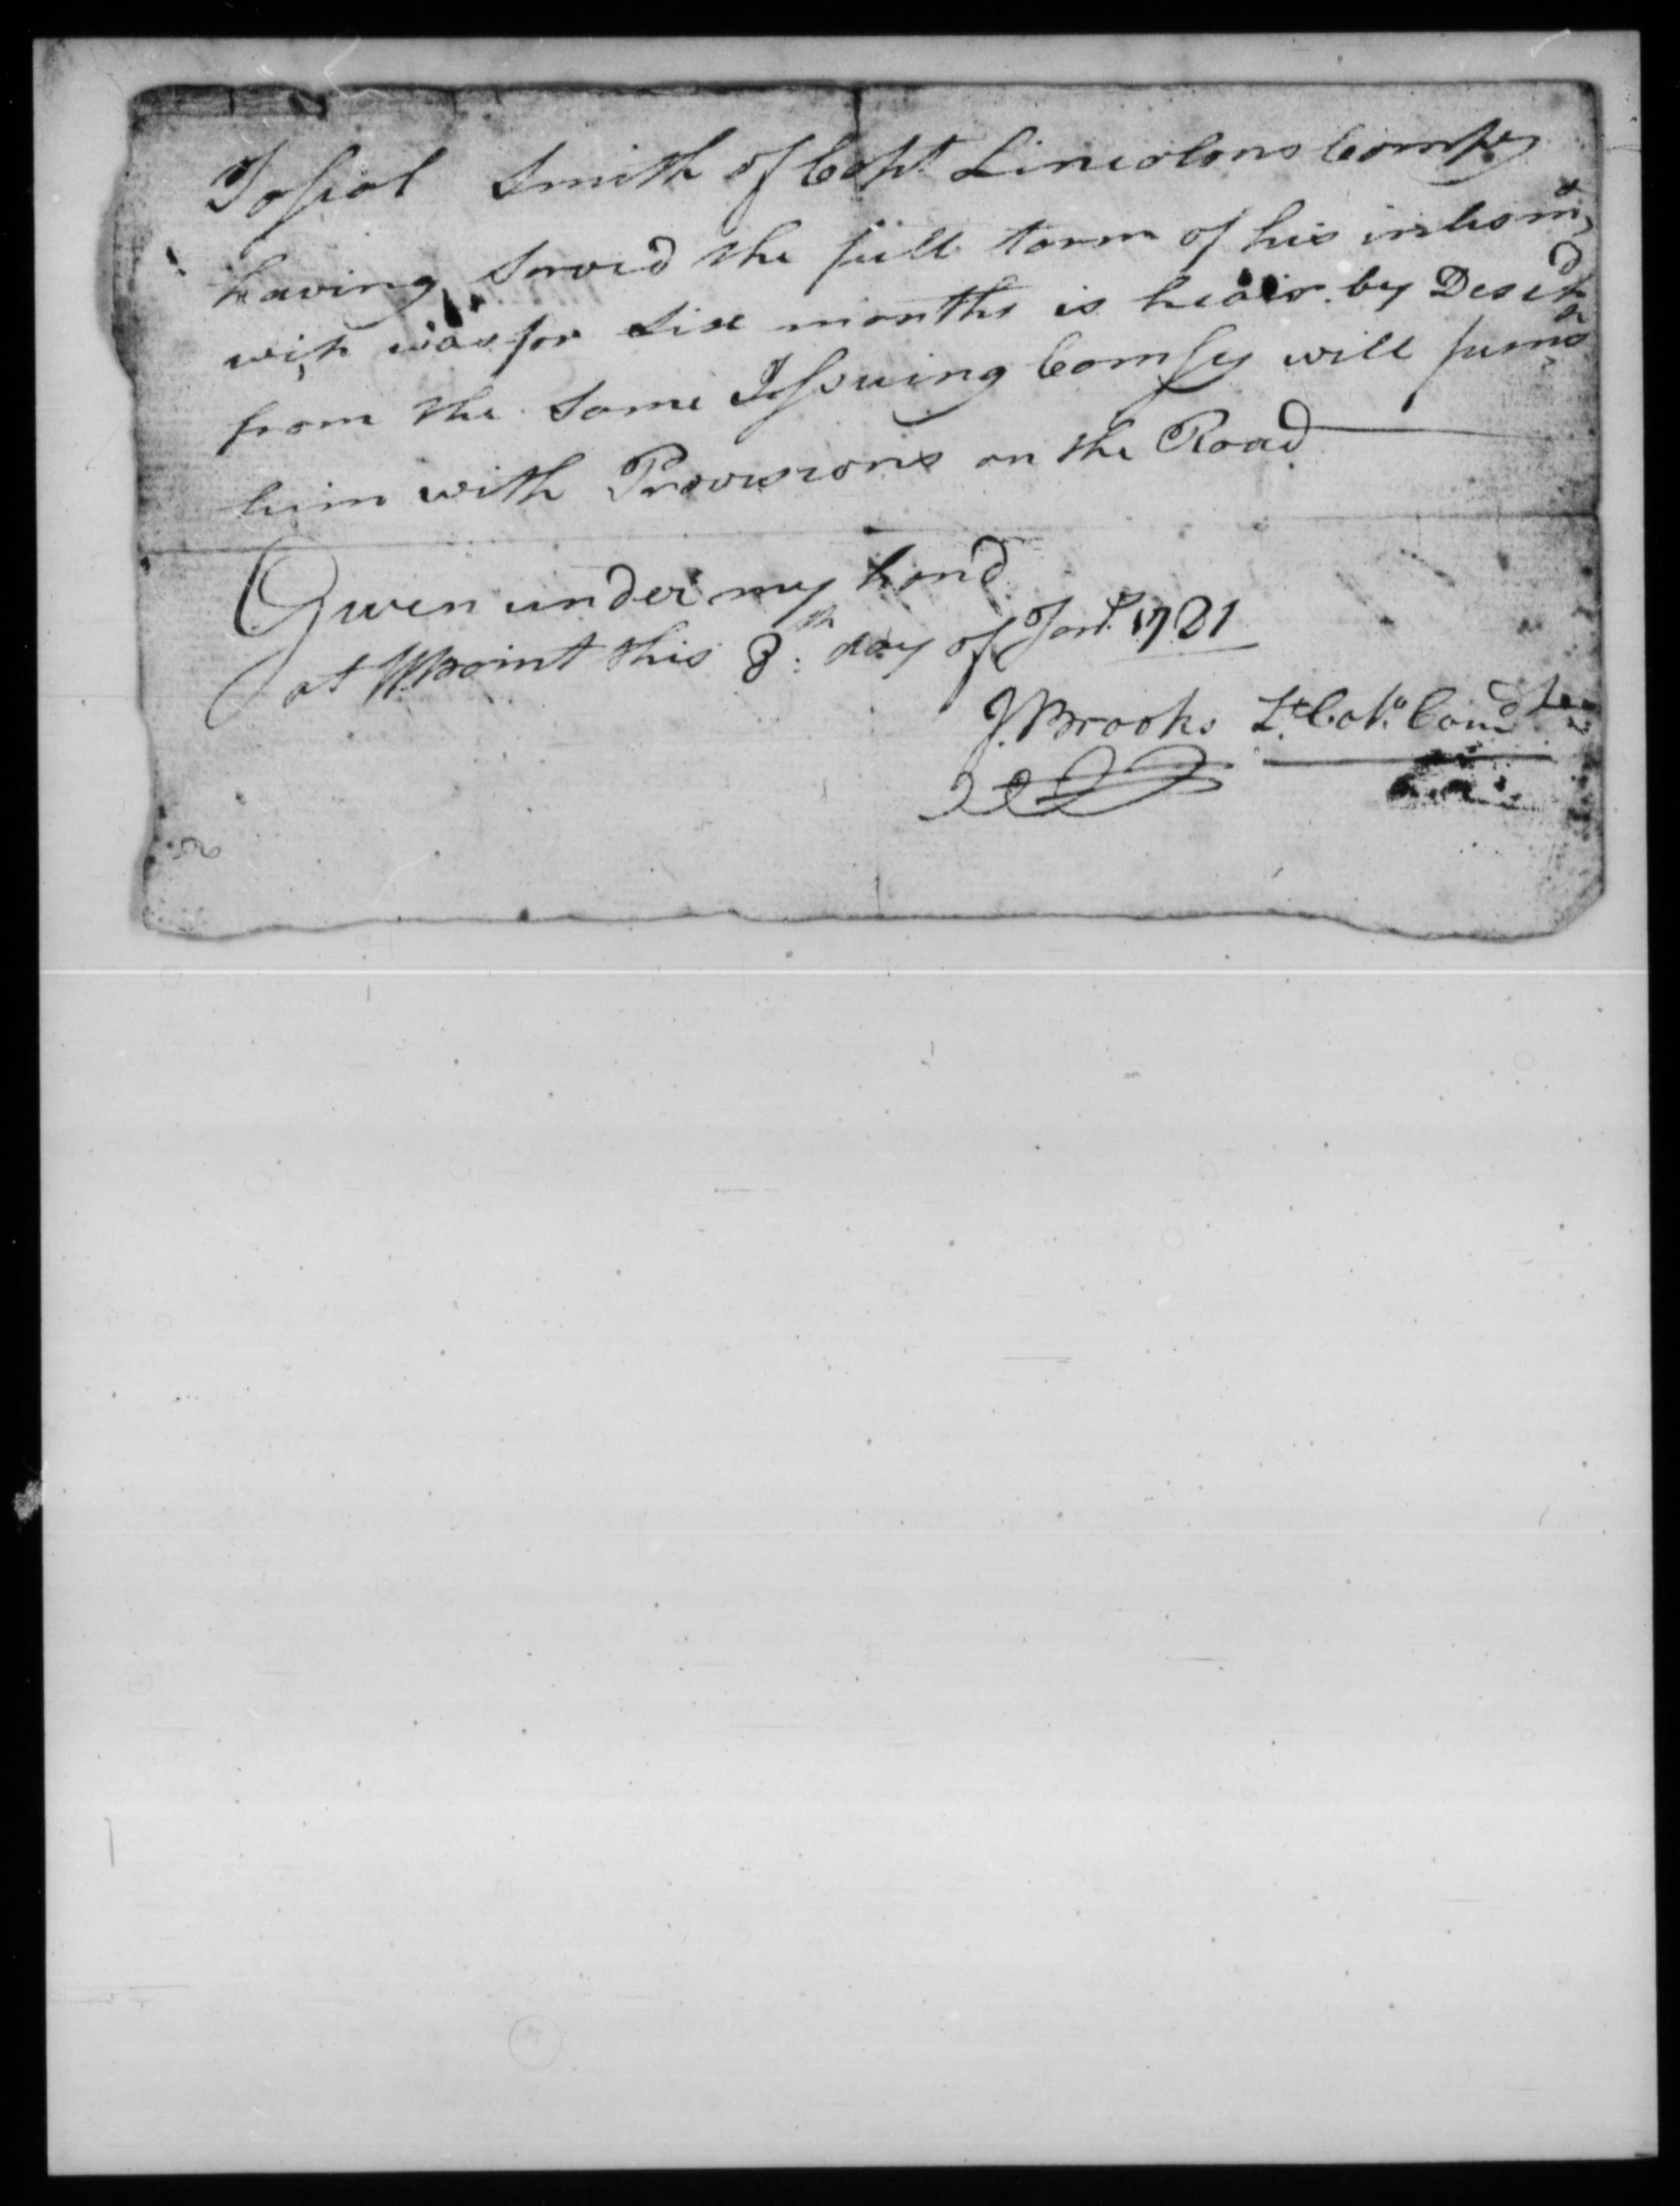Jasiel Smith of Capt Lincolns Company
having served the full term of his [illegible]
was for six months is  [illegible]by [illegible]
from the same issuing compy will provide
him with Provisions on the Road
Given under my hand
at [illegible] this 8 day of Jan. 1781
J. Brooks Lt. Col. Com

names: Jasiel Smith; J Brooks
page: 4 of 20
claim: widow's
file: W 2362, for Jasiel Smith, Massachusetts